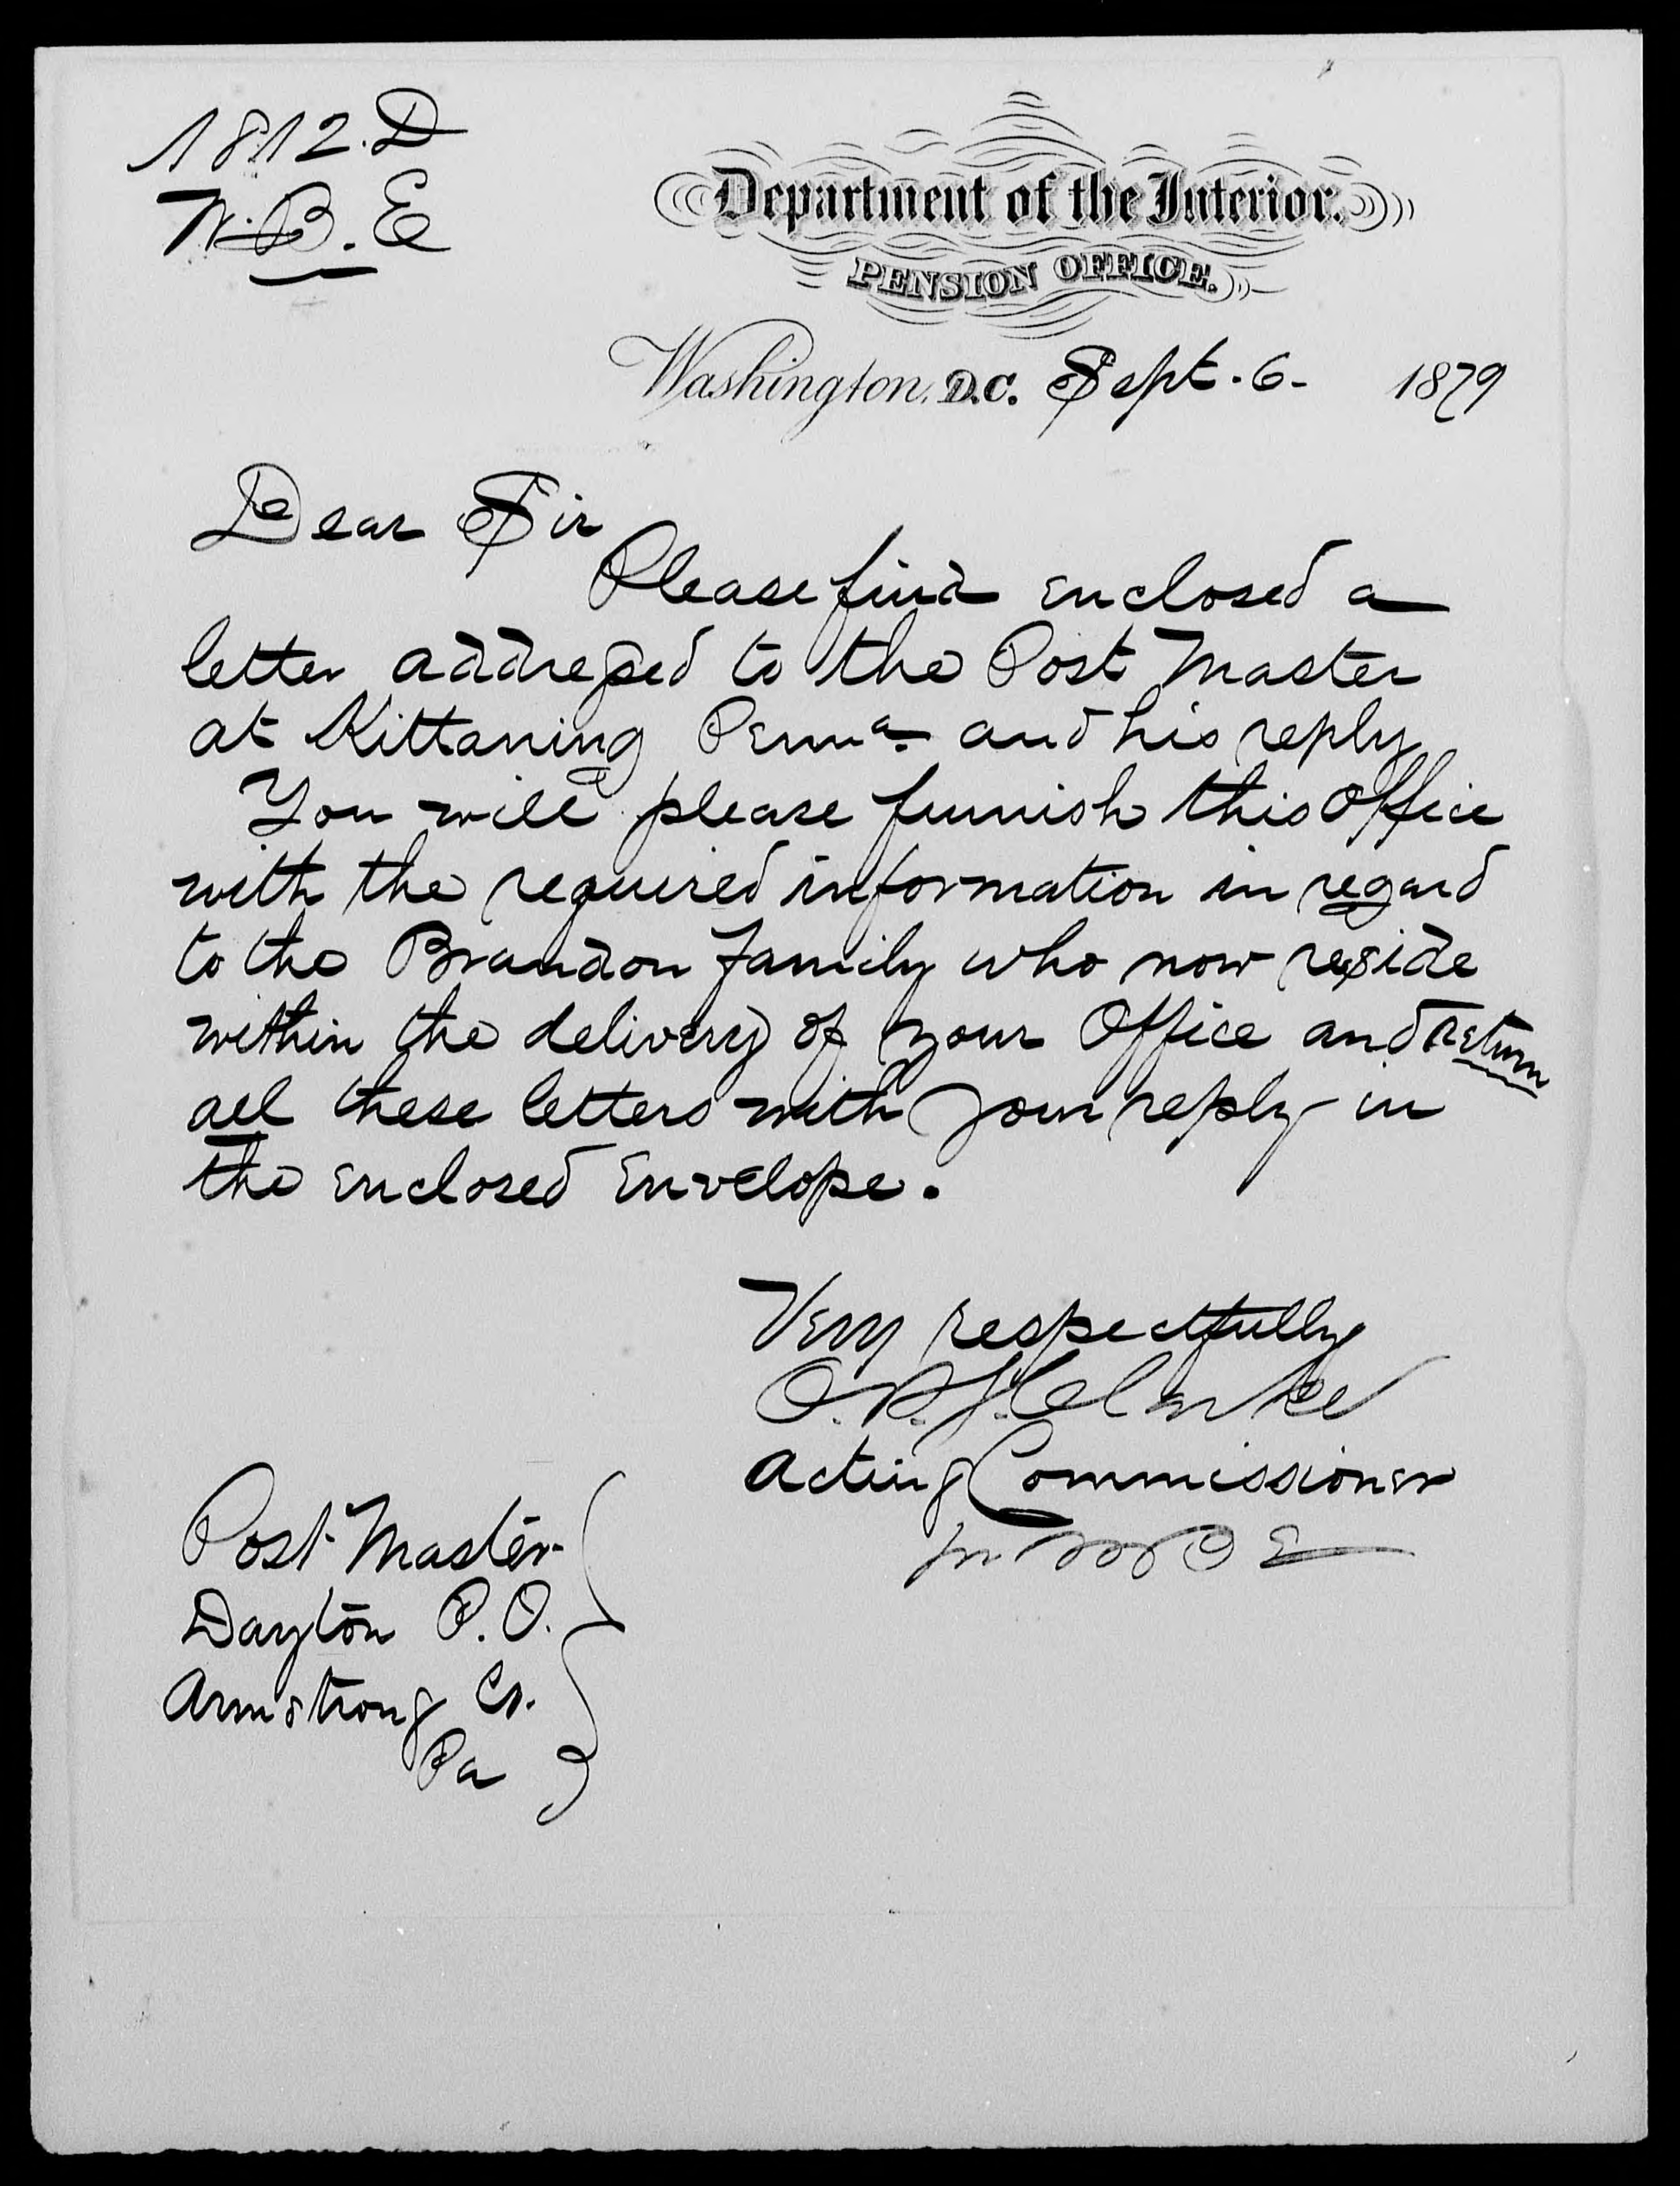1812.D
W.B.E.

Department of the Interior.
PENSION OFFICE.
Washington, D.C. Sept. 6- 1879

Dear sir
Please find enclosed a letter addressed to the Post Master at Kittaning [Kittanning] Penna. and his reply
You will please furnish this office with the required information in regard to the Brandon family who now reside within the delivery of your office and return all these letters with your reply in the enclosed envelope.

Very respectfully
O.P.S. Clarke
acting Commissioner
Jn(?) WBE

Post Master
Dayton P.O.
Armstrong Co.
Pa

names: O P S Clarke, Brandon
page: 62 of 83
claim: widow's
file: W. 5946, John Brandon, Penn